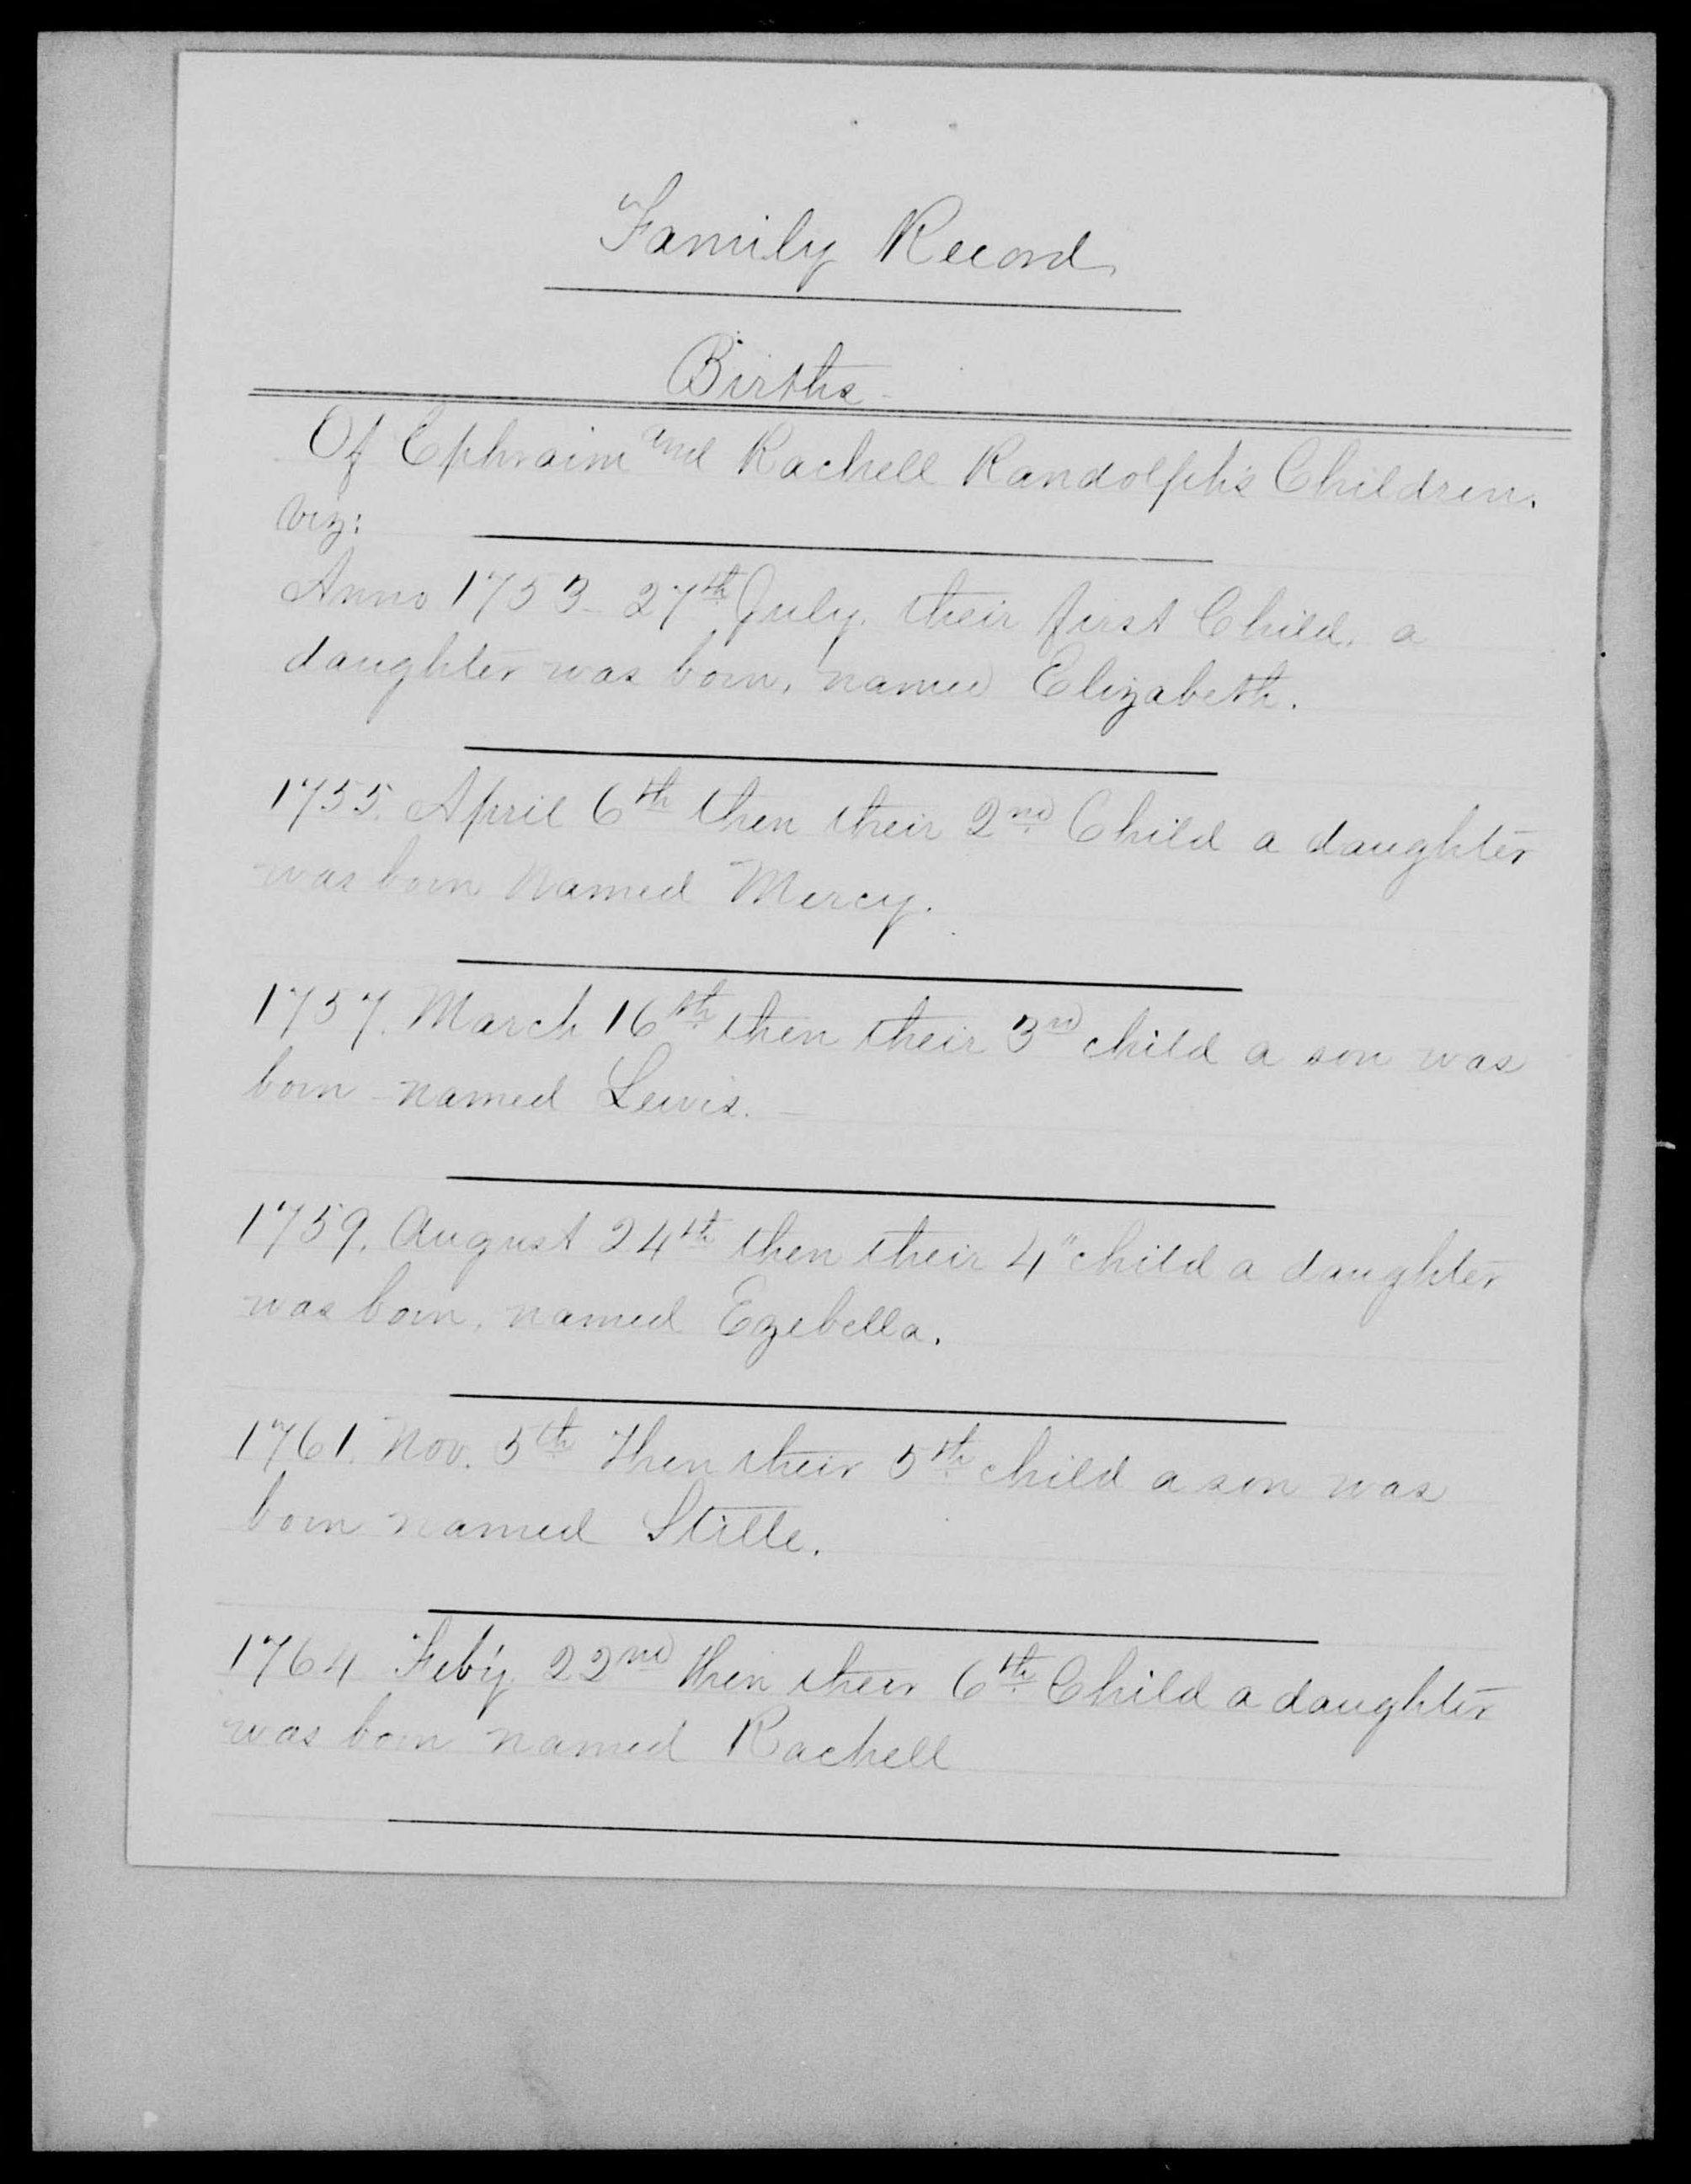Family Record
Births
Of Ephraim and Rachell Randolph's Children. Viz:
Anno 1753 27th July, their first Child, a daughter was born, named Elizabeth.
1755, April 6th then their 2nd Child a daughter was been named Mercy.
1757, March 16th then their 3rd child a son was born named Lewis.
1759, August 24th then their 4" child a daughter was born, named Ezebella.
1761, Nov. 5th Then their 5th child a son was born named Stille.
1764 Feby 22nd then their 6th Child a daughter was born named Rachell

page: 6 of 33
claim: widow's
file: W. 5,665, for Stelle F Randolph, New Jersey